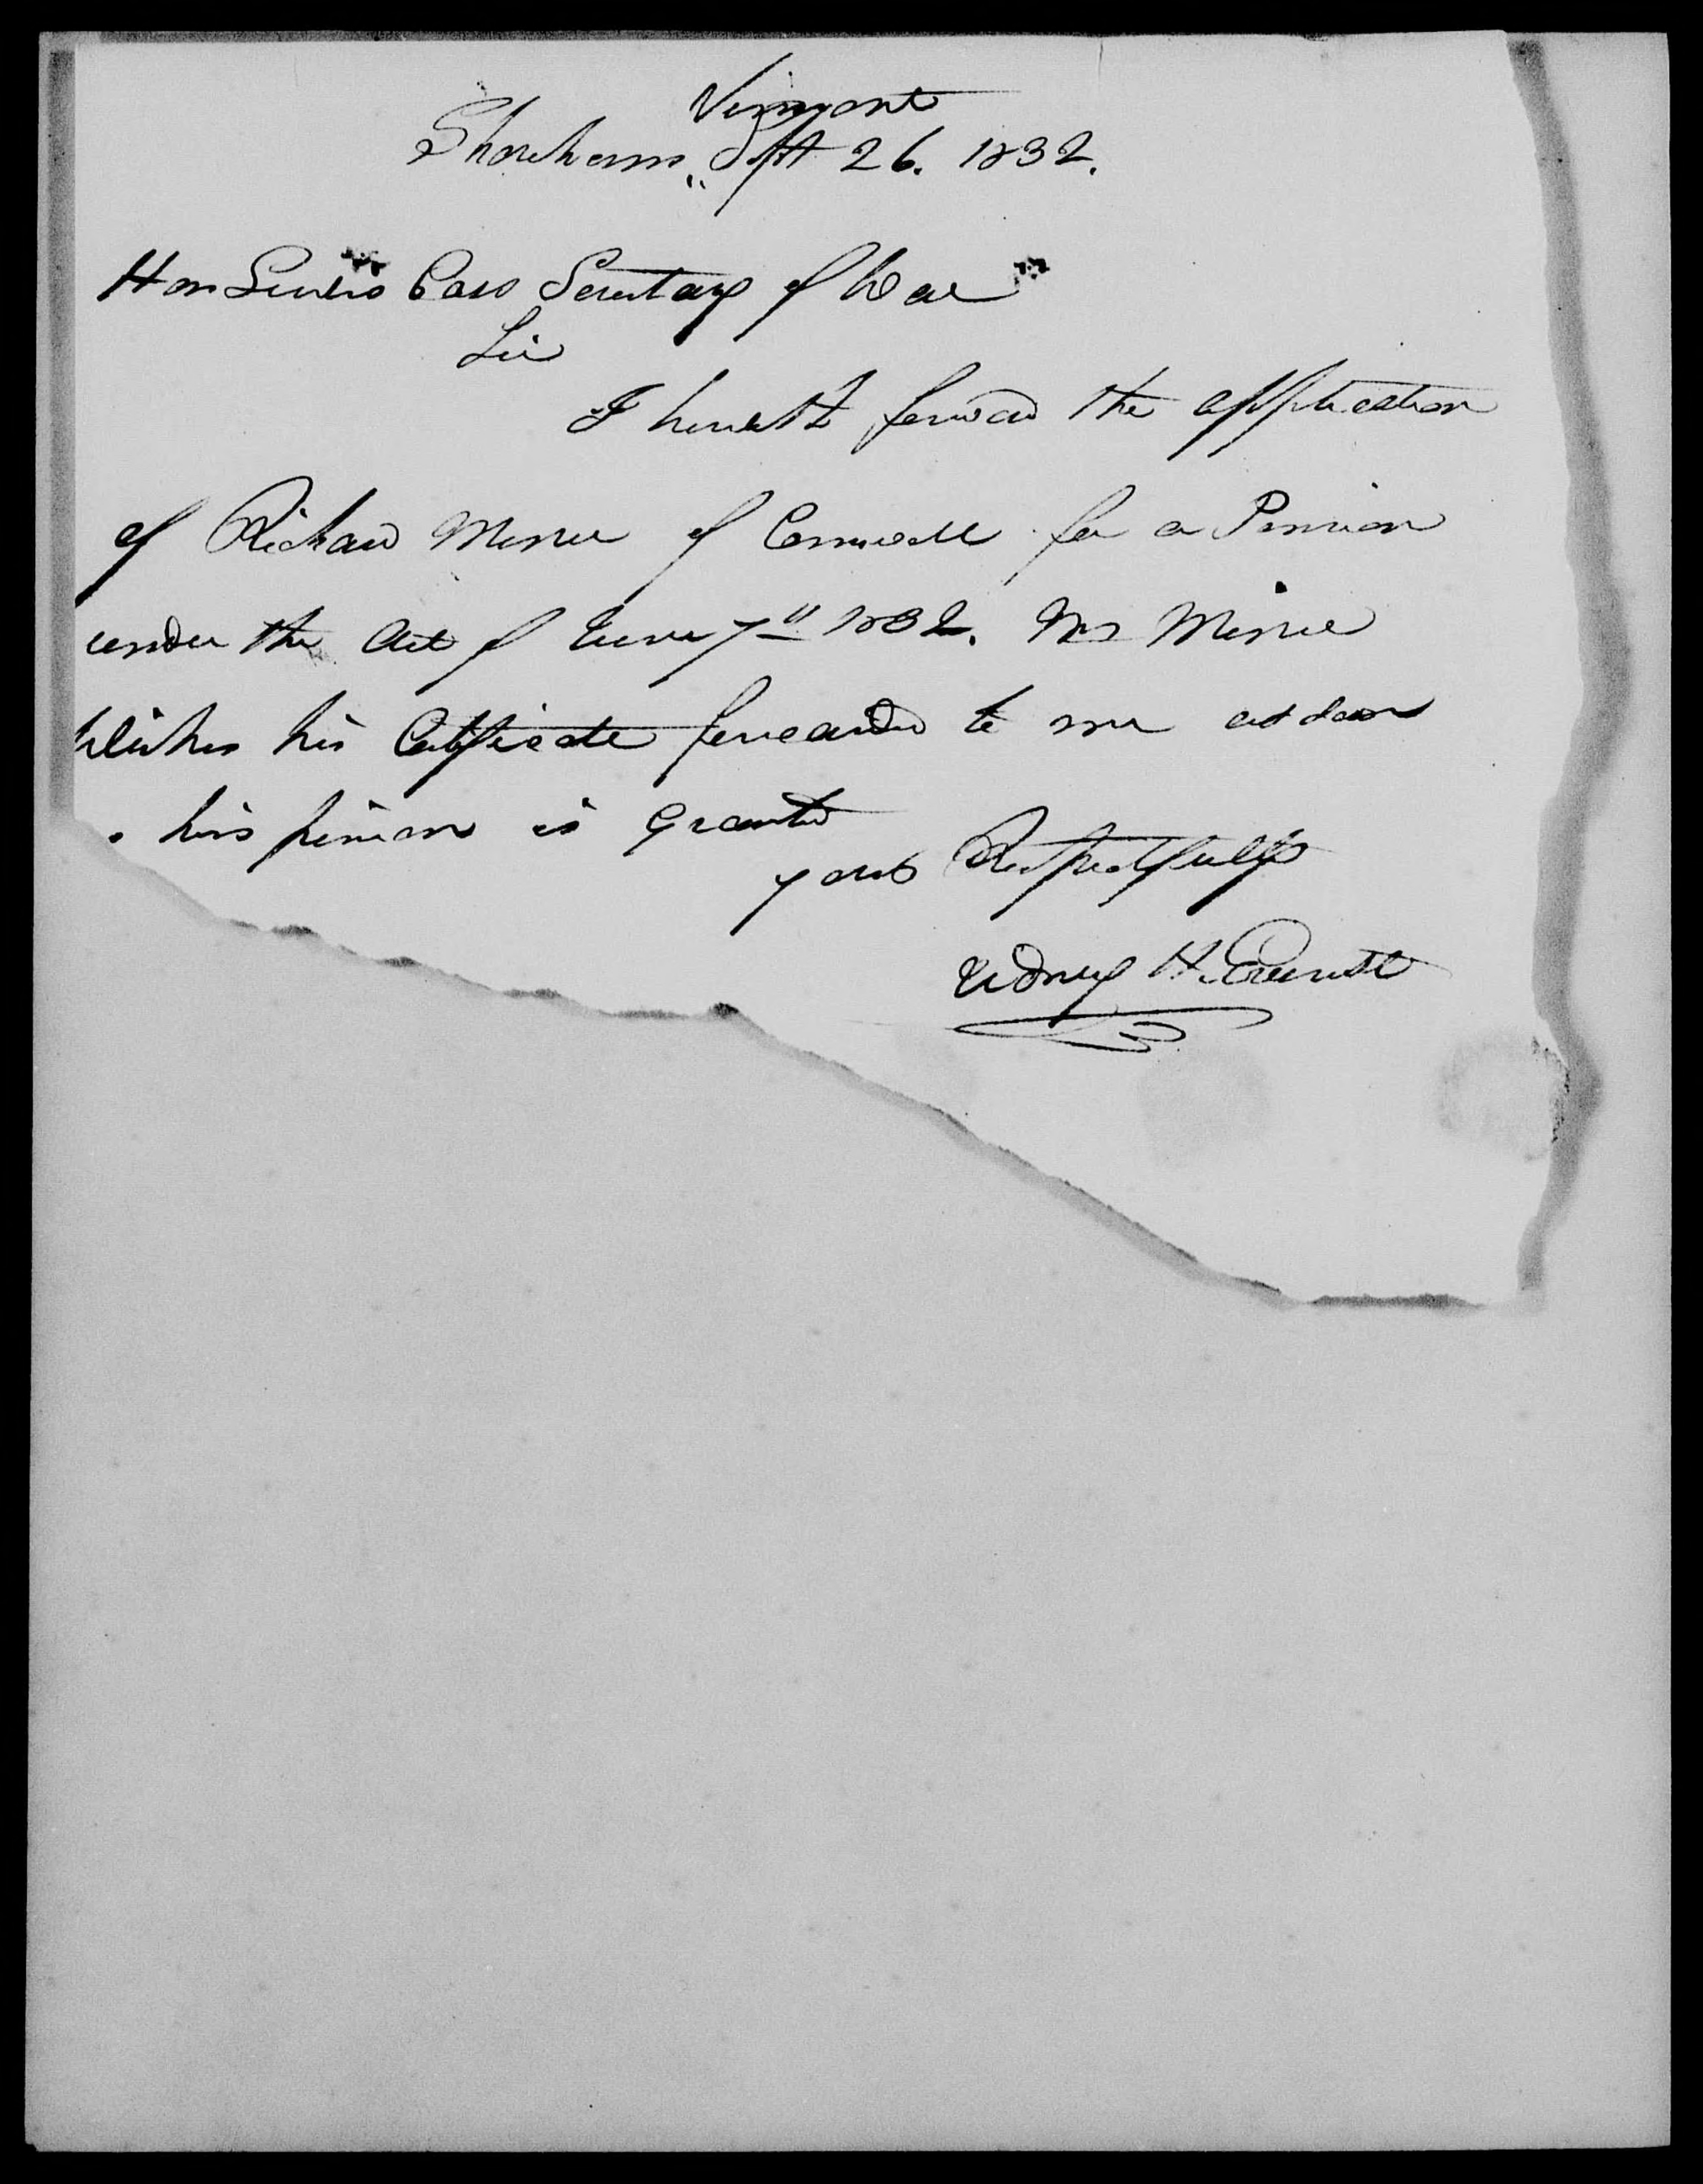Vergent
Shoreham Sept 26. 1832
Hon Lewis Cass Secretary of War
Sir
I herewith forward the application
of Richard Miner of Cornwall for a Pension
under the Act June 7 1832. Mr. Miner
wishes his certificate forwarded to me and
his pension is granted
Respectfully
Andrew H. Everett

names: Lewis Cass; Richard Miner; Andrew H Everett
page: 29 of 34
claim: survivor's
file: S. 13944, for Richard Miner, Massachusetts